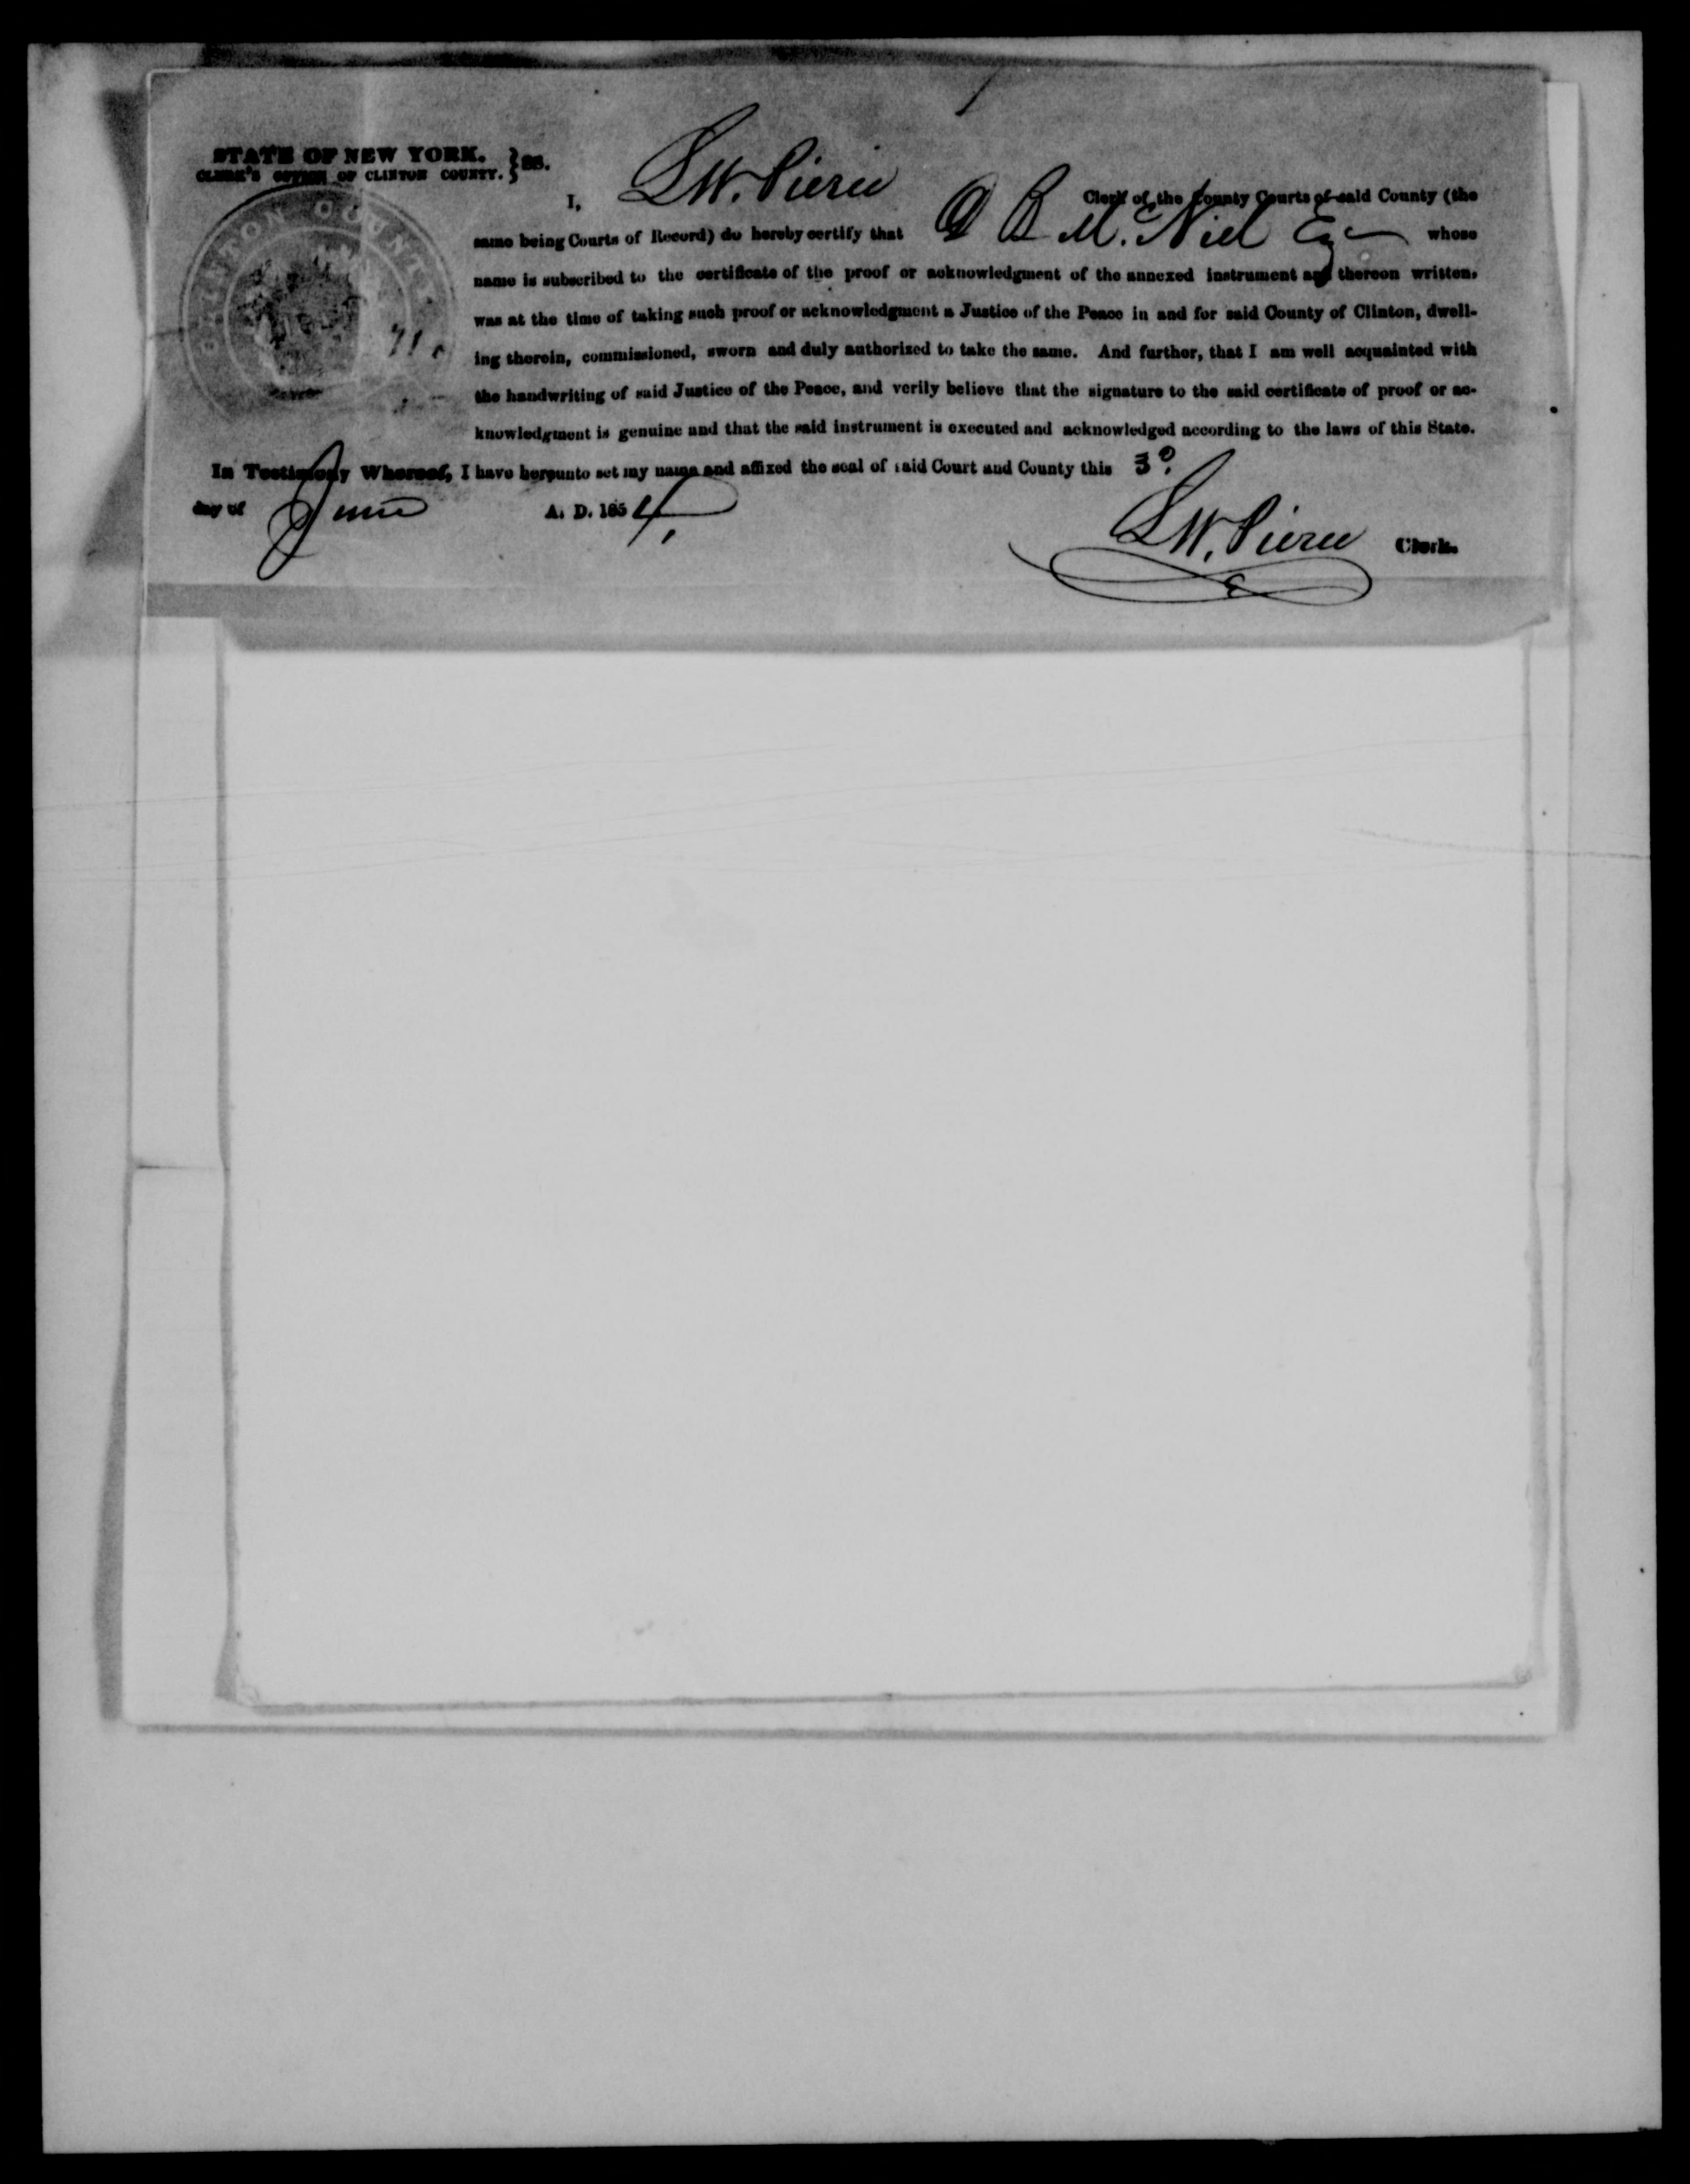State of New York
Clerk's Office of Clinton County ss.
I, L. W. Pierce Clerk of the County Courts of said County (the same being Courts of Record) do hereby certify that D. B. McNiel Esq. whose name is subscribed to the certificate of the proof or acknowledgement of the annexed instrument and thereon written, was at the time of taking such proof or acknowledgement a Justice of the Peace in ad for said County of Clinton, dwelling therein, commissioned, sworn and duly authorized to take the same. And further, that I a well acquainted with the handwriting of said Justice of the Peace, and verily believe that the signature to the said certificate of proof or acknowledgement is genuine and that the said instrument is executed and acknowledged according to the laws of this State.
In Testimony Whereof, I have hereunto set my name and affixed the seal of said Court and County this 3d day of June A. d. 1854.
L. W. Pierce Clerk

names: D B Mc Niel, L W Pierce, L W Pierce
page: 60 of 64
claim: widow's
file: W. 5831, Edmund Town, Mass.